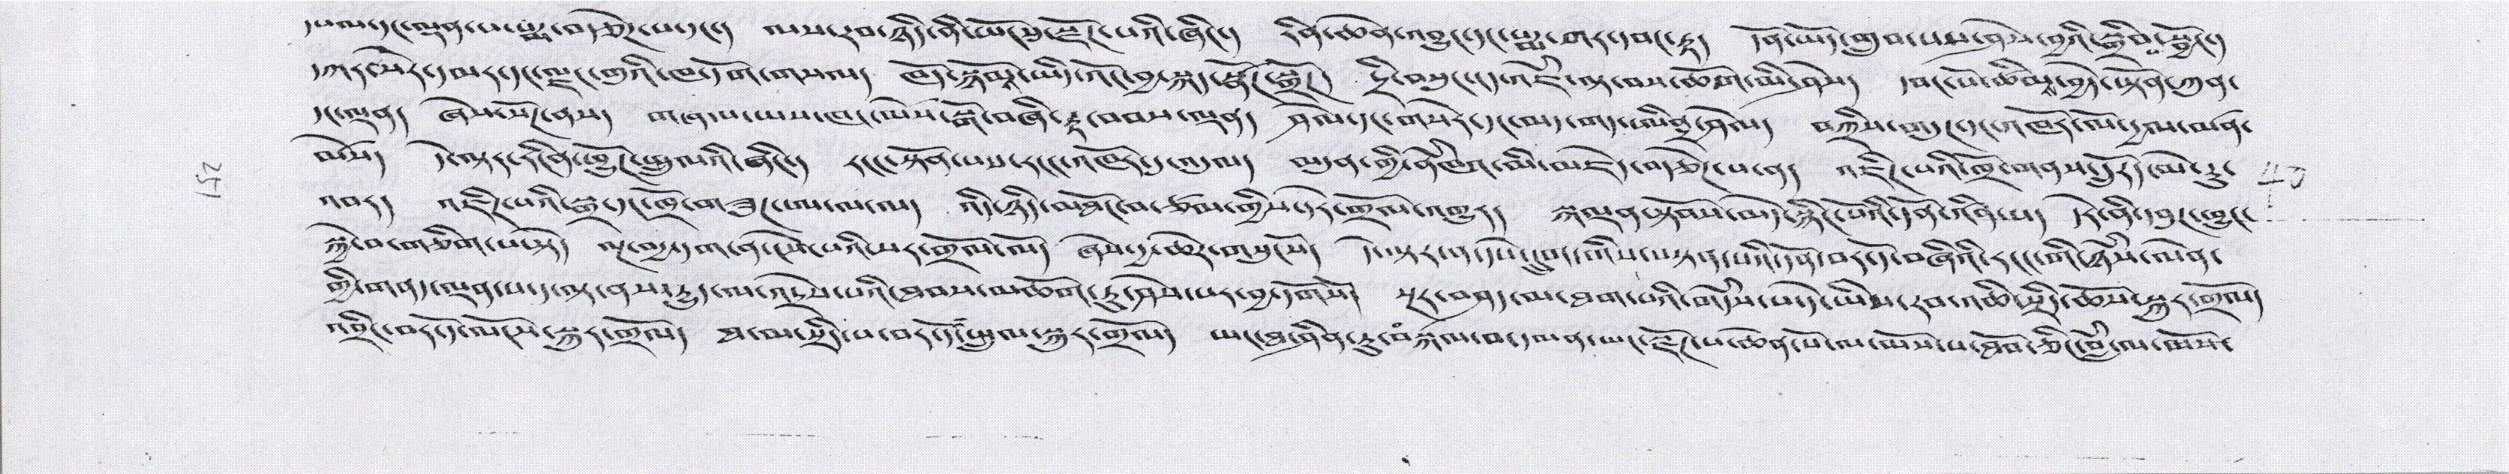དཔལ་དང་ལྡན་པ་པདྨ་བརྩེགས་པ་དང། ལས་རབ་ཉིད་ནི་ཡོངས་སུ་རྫོགས་པའི་ཞིང། རིན་ཆེན་འབྱུང་དང་པདྨ་གར་དབང་རྟ། དོན་ཡོད་གྲུབ་པས་ཤེས་བྱའི་སྒྲིབ་པ་སྦྱོང། 
དཀར་སེར་དམར་དང་ལྗང་གུའི་ཁ་དོག་གསལ། ཁོད་སྙོམས་ཡིད་འོང་བྱ་སྐད་སྣ་ཚོགས་སྒྲོགས། དྲི་བསུང་ངད་འཇམ་ལྟ་བས་ཆོག་མི་ཤེས། དབང་པོ་ཚིམས་བྱེད་ཡོན་ཏན་ཀུན་
དང་ལྡན། ཞེས་སོགས་ནས། གཞལ་ཡང་ཁང་མཛེས་སྒོ་བཞི་རྟ་བབས་ལྡན། ཤེལ་དང་གསེར་དང་མར་གད་ཨིནྟྲ་ཤེལ། བཀྲ་ཤིས་གདུགས་དང་འཁོར་ལོ་རྒྱལ་མཚན་
མཛེས། དེ་ལྟར་རང་བཞིན་ཕྱུགས་པོ་སྤྲུལ་པའི་ཞིང། རང་རང་སྟོན་པས་རང་རང་འཁོར་དུ་འདུལ། མདུན་གྱི་ནམ་མཁའ་མི་མཇེད་བརྩེགས་པ་ན། འཇིགས་པའི་ཁྲོ་གནས་དུར་ཁྲོད་མེ་རུ་
འབར། འཇིགས་པའི་སྒྲ་དང་ཁྲོ་གཟུགས་ཨ་ལ་ལ། འདི་ཉིད་མཐོང་བ་ཙམ་གྱིས་དེར་གྲོལ་འགྱུར། སྐལ་ལྡན་སྟོབས་མེད་སྙིང་པོའི་དོན་འཛིན་པ། དེར་ནི་དབུགས་ཕྱུང་
སྐྱེ་བ་གཅིག་པ་སྟེ། ལྔ་བརྒྱ་དག་ན་ངེས་པའི་སར་གྲོལ་ལོ། ཞེས་རྒྱ་ཆེར་གསུངས་སོ། དེ་ལྟར་ན་དཔེ་དྲུག་གིས་བསྟན་པའི་དོན་བར་དོ་བཞིའི་རང་རང་གི་ཉམས་ལེན་
གྱི་གནད་ལྡན་པ་ད་ལྟ་ནས་རྒྱུད་ལ་འདྲེས་པའི་ཐབས་མཆོག་ཏུ་ཤེས་པར་བྱ་དགོས་སོ། སྔར་བཤད་མ་ཐག་པའི་གདམས་པ་དེ་ཡིས་རབ་འཆི་སྲིད་ཆོས་སྐུར་གྲོལ། 
འབྲིང་བར་དོ་ལོངས་སྐུར་གྲོལ། ཐ་མ་སྲིད་པ་བར་དོ་སྤྲུལ་སྐུར་གྲོལ། ཡང་ཐ་ཤིན་ཏུ་བསྐལ་བ་དམན་ཡང་རྫོགས་པ་ཆེན་པོ་ལ་མོས་པ་ཐོབ་ཅིང་བླ་མ་ལ་མོས་